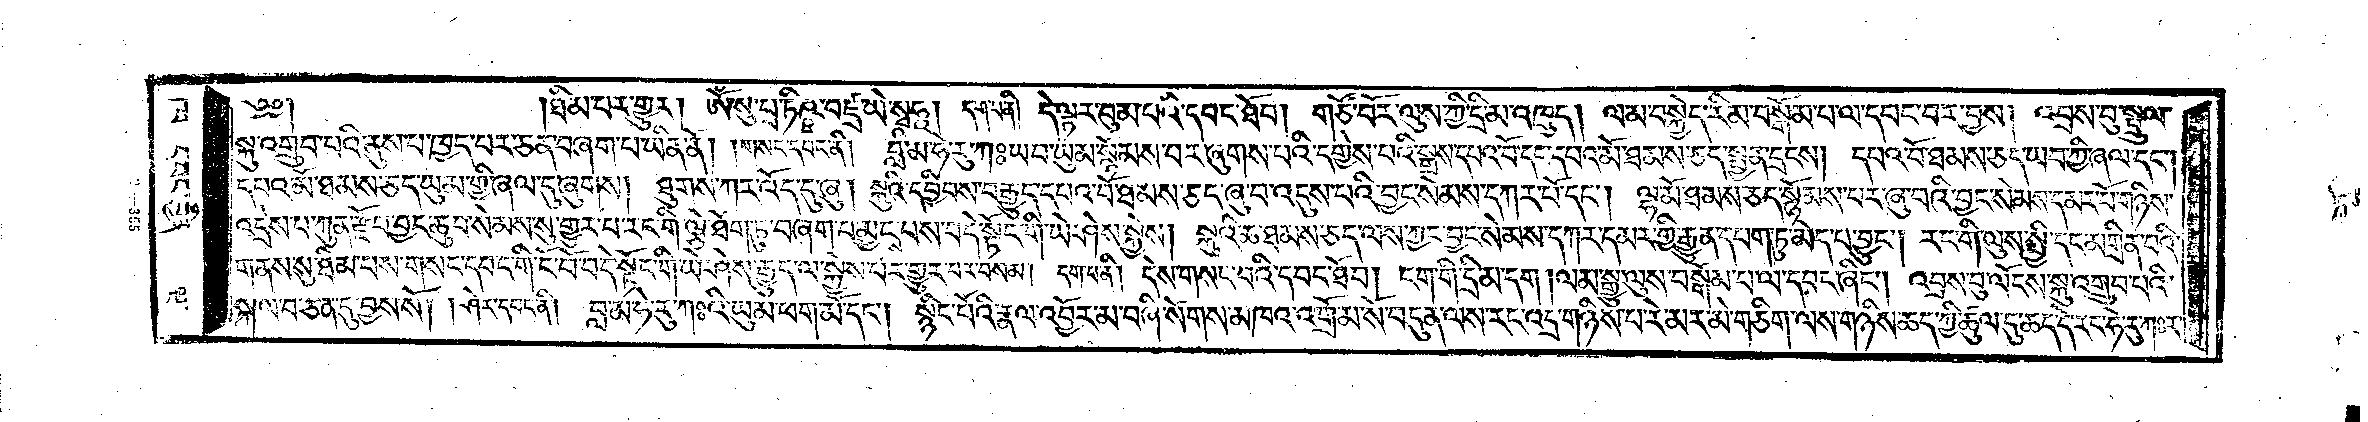༄༅། །ཐིམ་པར་གྱུར། ཨོཾ་སུ་པྲ་ཏིཥཊཿཨ་བཛྲ་ཡེ་སྭཱཧཱ། དག་པ་ནི། དེ་ལྟར་བུམ་པའི་དབང་ཐོབ། གཙོ་བོར་ལུས་ཀྱི་དྲི་མ་འཁྲུད། ལམ་བསྐྱེད་རིམ་བསྒོམ་པ་ལ་དབང་བར་བྱས། འབྲས་བུ་སྤྲུལ་
སྐུ་འགྲུབ་པའི་ནུས་པ་ཁྱད་པར་ཅན་བཞག་པ་ཡིན་ནོ། །གསང་དབང་ནི།  བླ་མ་ཧེ་རུ་ཀཿཡབ་ཡུམ་སྙོམས་པར་ཞུགས་པའི་དགྱེས་པའི་སྒྲས་དཔའ་བོ་དང་དཔའ་མོ་ཐམས་ཅད་སྤྱན་དྲངས། དཔའ་བོ་ཐམས་ཅད་ཡབ་ཀྱི་ཞལ་དང་།
དཔའ་མོ་ཐམས་ཅད་ཡུམ་གྱི་ཞལ་དུ་ཞུགས། ཐུགས་ཀར་འོད་དུ་ཞུ། སྐུའི་དབྱིབས་བརྒྱུད་དཔའ་བོ་ཐམས་ཅད་ཞུ་བ་འདུས་པའི་བྱང་སེམས་དཀར་པོ་དང་། ལྷ་མོ་ཐམས་ཅད་སྙོམས་པར་ཞུ་བའི་བྱང་སེམས་དམར་པོ་གཉིས་
འདྲེས་པ་ཀུན་རྫོབ་བྱང་ཆུབ་སེམས་སུ་གྱུར་པ་རང་གི་ལྕེ་ཐོག་ཏུ་བཞག་པ་མྱངས་པས་བདེ་སྟོང་གི་ཡེ་ཤེས་སྐྱེས། སྐུའི་ཆ་ཐམས་ཅད་ལས་ཀྱང་བྱང་སེམས་དཀར་དམར་གྱི་རྒྱུན་དཔག་ཏུ་མེད་མེད་པ་བྱུང་། རང་གི་ལུས་སྤྱི་དང་མགྲིན་པའི་
གནས་སུ་ཐིམ་གསང་དབང་གི་ངོ་བོ་བདེ་སྟོང་གི་ཡེ་ཤེས་རྒྱུད་ལ་སྐྱེས་པར་གྱུར་པར་བསམ། དག་པ་ནི།  དེས་གསང་བའི་དབང་ཐོབ། དག་གི་དྲི་མ་དག །ལམ་སྒྱུ་ལུས་བསྒོམ་པ་ལ་དབང་ཞིང་། འབྲས་བུ་ལོངས་སྐུ་འགྲུབ་པའི་
སྐལ་བ་ཅན་དུ་བྱས་སོ། །ཤེར་དབང་ནི།  བླ་མ་ཧེ་རུ་ཀཿའི་ཡུམ་ཕག་མོ་དང་། སྙིང་པོའི་རྣལ་འབྱོར་མ་བཞི་སོགས་མཁའ་འགྲོ་མ་སོ་བདུན་ལས་རང་འདྲ་གཉིས་པ་རེ་མར་མེ་གཅིག་ལས་གཉིས་ཆད་ཀྱི་ཚུལ་དུ་བདེ་ངེ?་རང་ཧེ་རུ་ཀཿར་